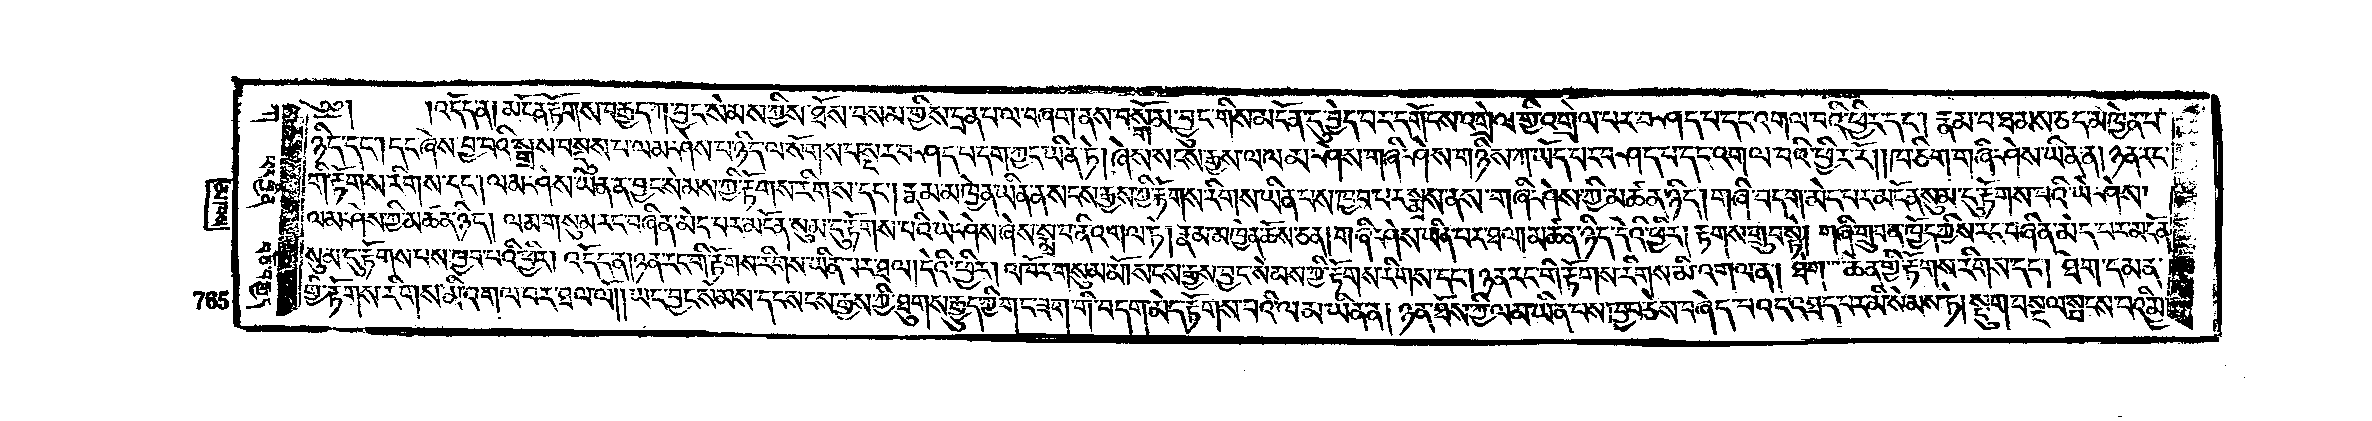༄༅། །འདོད་ན། མངོན་རྟོགས་བརྒྱད་ཀ་བྱང་སེམས་ཀྱིས་ཐོས་བསམ་གྱིས་དྲན་པ་ལ་བཞག་ནས་བསྒོམ་བྱུང་གིས་མངོན་དུ་བྱེད་པར་དགོངས་འགྲེལ་གྱི་འགྲེལ་པར་བཤད་པ་དང་འགལ་བའི་ཕྱིར་དང་། རྣམ་པ་ཐམས་ཅད་མཁྱེན་པ་
ཉིད་དང་། དང་ཞེས་བྱ་བའི་སྒྲས་བསྡུས་པ་ལམ་ཤེས་པ་ཉིད་ལ་སོགས་པ་སྔར་བཤད་པ་དག་ཀྱང་ཡིན་ཏེ། ཞེས་སངས་རྒྱས་ལ་ལམ་ཤེས་གཞི་ཤེས་གཉིས་ཀ་ཡོད་པར་བཤད་པ་དང་འགལ་བའི་ཕྱིར་རོ། །ཁ་ཅིག་གཞི་ཤེས་ཡིན་ན། ཉན་རང་
གི་རྟོགས་རིགས་དང་། ལམ་ཤེས་ཡིན་ན་བྱང་སེམས་ཀྱི་རྟོགས་རིགས་དང་། རྣམ་མཁྱེན་ཡིན་ན་སངས་རྒྱས་ཀྱི་རྟོགས་རིགས་ཡིན་པས་ཁྱབ་པར་སྨྲས་ནས་གཞི་ཤེས་ཀྱི་མཚན་ཉིད། གཞི་བདག་མེད་པར་མངོན་སུམ་དུ་རྟོགས་པའི་ཡེ་ཤེས་
ལམ་ཤེས་ཀྱི་མཚན་ཉིད། ལམ་གསུམ་རང་བཞིན་མེད་པར་མངོན་སུམ་དུ་རྟོགས་པའི་ཡེ་ཤེས་ཞེས་སྨྲ་བ་ནི་འགལ་ཏེ། རྣམ་མཁྱེན་ཆོས་ཅན། གཞི་ཤེས་ཡིན་པར་ཐལ། མཚན་ཉིད་དེའི་ཕྱིར། རྟགས་གྲུབ་སྟེ། གཞི་གྲུབ་ན་ཁྱོད་ཀྱིས་རང་བཞིན་མེད་པར་མངོན་
སུམ་དུ་རྟོགས་པས་ཁྱབ་པའི་ཕྱིར། འདོད་ན། ཉན་རང་གི་རྟོགས་རིགས་ཡིན་པར་ཐལ། དེའི་ཕྱིར། འཁོར་གསུམ་མོ། སངས་རྒྱས་བྱང་སེམས་ཀྱི་རྟོགས་རིགས་དང་། ཉན་རང་གི་རྟོགས་རིགས་མི་འགལ་ན། ཐེག་ཆེན་གྱི་རྟོགས་རིགས་དང་། ཐེག་དམན་
གྱི་རྟོགས་རིགས་མི་འགལ་བར་ཐལ་ལོ། །ཡང་བྱང་སེམས་དང་སངས་རྒྱས་ཀྱི་ཐུགས་རྒྱུད་ཀྱི་གང་ཟག་གི་བདག་མེད་རྟོགས་པའི་ལམ་ཡིན་ན། ཉན་ཐོས་ཀྱི་ལམ་ཡིན་པས་ཁྱབ་ཅེས་བཞེད་པའང་འཐད་པར་མི་སེམས་ཏེ། སྡུག་བསྔལ་སྤངས་པའི་མྱ་